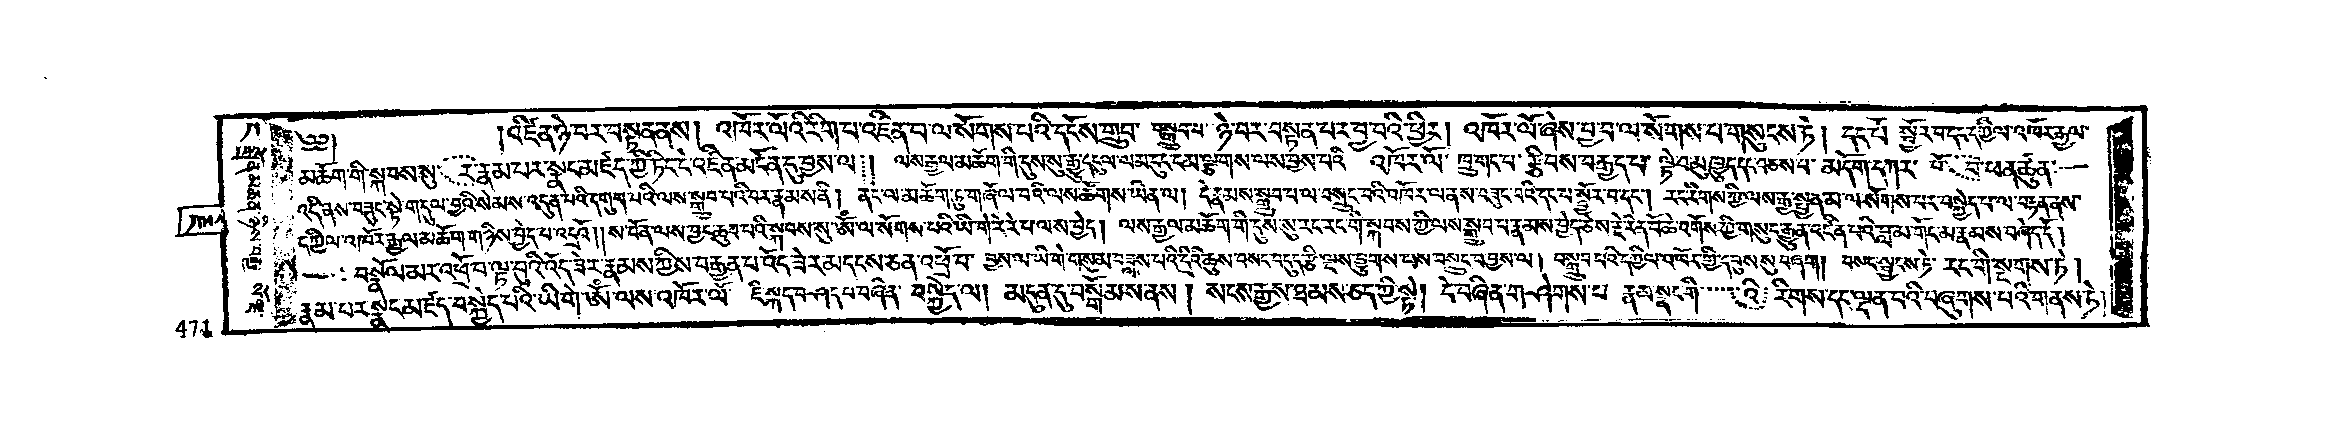༄༅། །འཛིན་ཉེ་བར་བསྟན་ནས། འཁོར་ལོའི་རིག་པ་འཛིན་པ་ལ་སོགས་པའི་དངོས་གྲུབ་བསྒྲུབ་པ་ཉེ་བར་བསྟན་པར་བྱ་བའི་ཕྱིར། འཁོར་ལོ་ཞེས་བྱ་བ་ལ་སོགས་པ་གསུངས་ཏེ། དང་པོ་སྦྱོར་བ་དང་དཀྱིལ་འཁོར་རྒྱལ་
མཆོག་གི་སྐབས་སུ་ར་རྣམ་པར་སྣང་མཛད་ཀྱི་ཏིང་ངེ་འཛིན་མངོན་དུ་བྱས་ལ། ལས་རྒྱལ་མཆོག་གི་དུས་སུ་རྒྱུ་དངུལ་ལམ་དུང་ངམ་ལྕགས་ལས་བྱས་པའི་འཁོར་ལོ་ཁྲུ་གང་པ་རྩིབས་བརྒྱད་པ་ལྟེ་བ་མུ་ཁྱུད་དང་བཅས་པ་མདོག་དཀར་པོ་བ་ཕན་ཚུནཿ
འདི་ནས་བཟུང་སྟེ་གདུལ་བྱའི་སེམས་འདུན་པའི་དགུག་པའི་ལས་སྒྲུབ་པའི་བར་རྣམས་ནི། ནང་ལ་མཆོག་ཏུ་གཞོལ་བའི་ལས་ཚོགས་ཡིན་ལ། དེ་རྣམས་སྒྲུབ་པ་ལ་བསྲུང་བའི་འཁོར་ལ་ནས་བཟུང་བའི་དང་པོ་སྦྱོར་བ་དང་། རང་རིགས་ཀྱི་ལས་རྒྱ་སྤྱན་མ་ལ་སོགས་པར་བསྐྱེད་པ་ལ་བརྟན་ནས་
དཀྱིལ་འཁོར་རྒྱལ་མཆོག་གཉིས་བྱེད་པ་འདྲའོ། །ས་བོན་ལས་བྱང་ཆུབ་པའི་སྐབས་སུ་ཨོཾ་ལ་སོགས་པའི་ཡི་གེ་རེ་རེ་པ་ལས་བྱེད། ལས་རྒྱལ་མཆོག་གི་དུས་སུ་རང་རང་གི་སྐབས་ཀྱི་ལས་སྒྲུབ་པ་རྣམས་བྱེད་ཅེས་རྗེ་རིན་པོ་ཆེ་འགོས་ཀྱི་གསུང་རྒྱུན་འཛིན་པའི་བླ་མ་གོང་མ་རྣམས་བཞེད་དོ།།
.H བསྣོལ་མར་འཕྲོ་བ་ལྟ་བུའི་འོད་ཟེར་རྣམས་ཀྱིས་བརྒྱན་པ་འོད་ཟེར་མདངས་ཅན་འཕྲོ་བ་བྱས་ལ་ཡི་གེ་གསུམ་བཟླས་པའི་དྲིའི་ཆུས་བསང་བདུད་རྩི་ལྔས་བྱུགས་པས་བསྲུང་བ་བྱས་ལ། བསྒྲུབ་པའི་དཀྱིལ་འཁོར་གྱི་དབུས་སུ་བཞག། བསང་སྦྱངས་ཏེ་རང་གི་སྔགས་ཏེ།
རྣམ་པར་སྣང་མཛད་བསྐྱེད་པའི་ཡི་གེ་ཨོཾ་ལས་འཁོར་ལོ་ཇི་སྐད་བཤད་པ་བཞིན་བསྐྱེད་ལ། མདུན་དུ་བསྒོམས་ནས། སངས་རྒྱས་ཐམས་ཅད་ཀྱི་སྟེ། དེ་བཞིན་གཤེགས་པ་རྣམ་སྣང་གི་འི་རིགས་དང་ལྡན་པའི་བཞུགས་པའི་གནས་ཏེ།